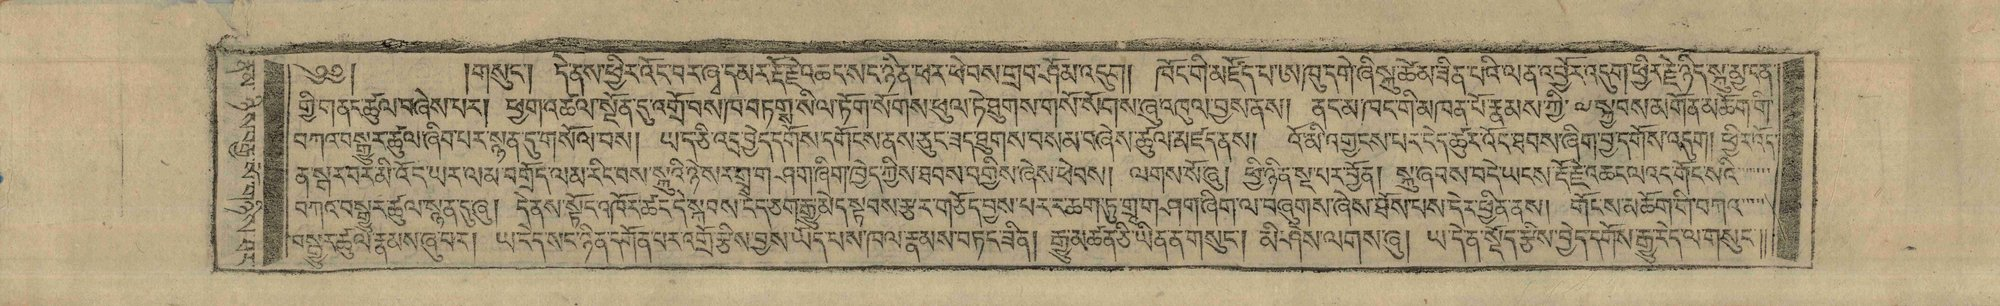༄༅། །གསུང་། དེ་ནས་ཕྱིར་འོང་བར་ཞྭ་དམར་རྡོ་རྗེ་འཆང་སང་ཉིན་ཕར་ཕེབས་གྲབ་ཤོམ་འདུག །ཁོང་གི་མཛོད་པ་ཨ་ཁུ་དགེ་ཞི་སྐུ་ཚེམ་ཟིན་པའི་ལན་འབྱོར་འདུག་ཕྱིར་རྗེ་ཉིད་སྐུ་མྱ་ངན་
གྱི་གནང་ཚུལ་བཞེས་པར། ཕྱག་འཚལ་སྔོན་དུ་འགྲོ་བས་ཁ་བཏགས་སིལ་ཏོག་སོགས་ཕུལ་ཏེ་ཐུགས་གསོ་སོགས་ཞུ་འཁུལ་བྱས་ནས། ནང་མ་ཁང་གི་མཁན་པོ་རྣམས་ཀྱི་༧་སྐྱབས་མགོན་མཆོག་གི་
བཀའ་བསྒྱུར་ཚུལ་ཞིབ་པར་སྙན་དུ་གསོལ་བས། ཡ་ད་ཅི་འདྲ་བྱེད་དགོས་དགོངས་ནས་ཅུང་ཟད་ཐུགས་བསམ་བཞེས་ཚུལ་མཛད་ནས། འོ་མི་འགྱངས་པར་ངེད་ཚུར་འོང་ཐབས་ཞིག་བྱ་དགོས་འདུག །ཕྱིར་འོང་
ན་སྒར་བར་མི་འོང་ཡར་ལམ་བགྲོད་ལམ་རིང་བས་སྐུའི་ཉེ་སར་གྲྭ་གཤག་ཞིག་ཁྱེད་ཀྱིས་ཐབས་བགྱིས་ཞེས་ཕེབས། ལགས་སོ་ཞུ། ཕྱི་ཉིན་སྔ་པར་བྱོན། སྐུ་ཞབས་བདེ་ཡངས་རྡོ་རྗེ་འཆང་ལའང་གོང་སའི་
བཀའ་བསྒྱུར་ཚུལ་སྙན་དུ་ཞུ། དེ་ནས་སྟོང་འཁོར་ཚང་དེ་སྐབས་ངེད་ཅག་རྒྱུ་མེད་སྟབས་རྩར་གཅོད་བྱས་པར་ར་ཆག་ཏུ་གྲྭ་གཤག་ཞིག་ལ་བཞུགས་ཞེས་ཐོས་པས་དེར་ཕྱིན་ནས། གོང་ས་མཆོག་གི་བཀའ་
བསྒྱུར་ཚུལ་རྣམས་ཞུ་བར། ཡ་ངེད་སང་ཉིན་དགོན་པར་འགྲོ་རྩིས་བྱས་ཡོད་པས་ཁལ་རྣམས་བཏང་ཟིན། རྒྱུ་མཚན་ཅི་ཡིན་ན་གསུང་། མི་ཤེས་ལགས་ཞུ། ཡ་དེ་ན་སྡོད་རྩིས་བྱེད་དགོས་རྒྱུ་རེད་ལ་གསུང་། །